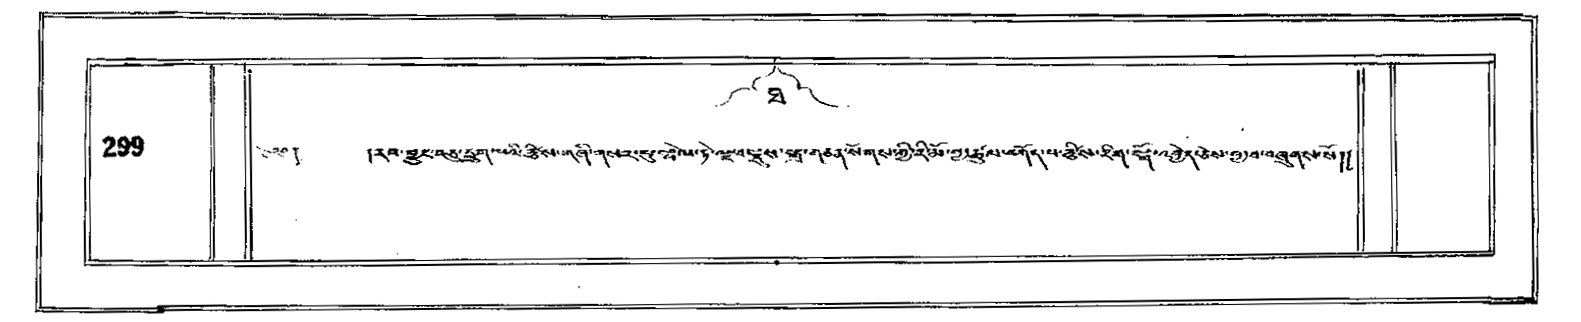ཐ྄
༄༅། །རབ་བྱུང་བཅུ་དྲུག་པའི་རྩིས་གཞི་གསར་དུ་སྤེལ་ཏེ་ལྔ་བསྡུས་སྒྲ་གཅན་སོགས་ཀྱི་རི་མོ་བྱ་ཚུལ་བཀོད་པ་རྩིས་རིག་སྒོ་འབྱེད་ཅེས་བྱ་བ་བཞུགས་སོ། །